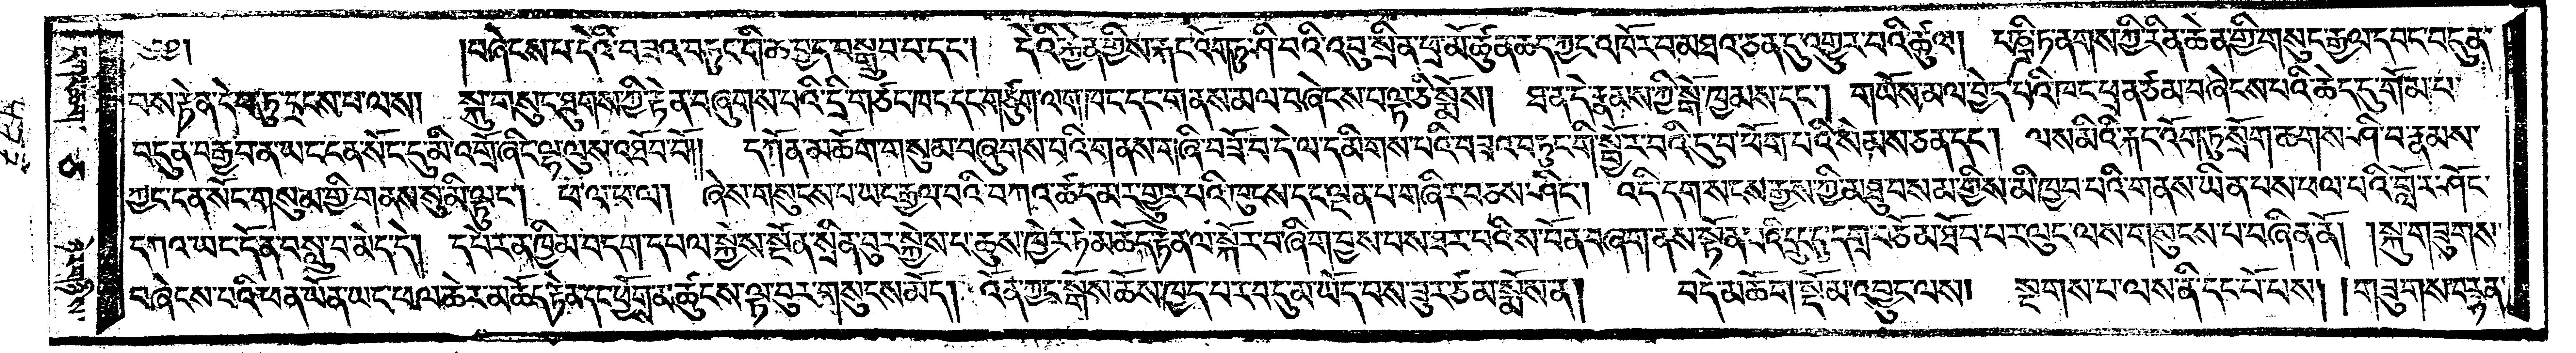༄༅། །བཞེངས་པ་དེའི་བཟའ་བཏུང་གི་ཆ་བྱད་བསྒྲུབ་པ་དང་། དེའི་རྐྱེན་གྱིས་རྐང་འོག་ཏུ་ཤི་བའི་འབུ་སྲིན་ཕྲ་མོ་ཚུན་ཆད་ཀྱང་འཁོར་བ་མཐའ་ཅན་དུ་འགྱུར་བའི་ཚུལ། པཎྜི་ཏ་ནགས་ཀྱི་རིན་ཆེན་གྱི་གསུང་རྒྱལ་དབང་བདུན་
པས་རྟེན་དེབ་ཏུ་དྲངས་པ་ལས། སྐུ་གསུང་ཐུགས་ཀྱི་རྟེན་བཞུགས་པའི་དྲི་གཙང་ཁང་དང་གཙུག་ལག་ཁང་དང་གནས་མལ་བཞེངས་པ་ལྟ་ཅི་སྨོས། ཐ་ན་དེ་རྣམས་ཀྱི་སྒོ་ཁྱམས་དང་། གཡོས་མལ་བྱེད་པའི་ཁང་ཕྲན་ཙམ་བཞེངས་པའི་ཆེད་དུ་གོམ་པ་
བདུན་བརྒྱབ་ན་ཡང་ངན་སོང་དུ་མི་འགྲོ་ཞིང་ལྷ་ལུས་འཐོབ་བོ།། དཀོན་མཆོག་གསུམ་བཞུགས་པའི་གནས་གཞི་བཟོ་བ་དེ་ལ་དམིགས་པའི་བཟའ་བཏུང་གི་སྦྱོར་བའི་དུ་བ་ཕོག་པའི་སེམས་ཅན་དང་། ལས་མིའི་རྐང་འོག་ཏུ་སྲོག་ཆགས་ཤི་བ་རྣམས་
ཀྱང་ངན་སོང་གསུམ་གྱི་གནས་སུ་མི་ལྟུང་། ཕ་ལ་ཕ་ལ། ཞེས་གསུངས་པ་ཡང་རྒྱལ་བའི་བཀའ་ཚད་མར་གྱུར་པའི་ཁུངས་དང་ལྡན་པ་གཞིར་བཅས་ཤིང་། འདི་དག་སངས་རྒྱས་ཀྱི་མཐུ་བསམ་གྱིས་མི་ཁྱབ་པའི་གནས་ཡིན་པས་ཕལ་པའི་བློར་ཤོང་
དཀའ་ཡང་དོན་བསླུ་བ་མེད་དེ། དཔེར་ན་ཁྱིམ་བདག་དཔལ་སྐྱེས་སྔོན་སྲིན་བུར་སྐྱེས་པ་ཆུས་ཁྱེར་ཏེ་མཆོད་རྟེན་ལ་སྐོར་བ་ཞིག་བྱས་པས་ཐར་བའི་ས་བོན་བཞག་ནས་སྟོན་པའི་དྲུང་དུ་དགྲ་བཅོམ་ཐོབ་པར་ལུང་ལས་གསུངས་པ་བཞིན་ནོ། །སྐུ་གཟུགས་
བཞེངས་བའི་ཕན་ཡོན་ཡང་ཕལ་ཆེར་མཆོད་རྟེན་དང་ཕྱོགས་མཚུངས་ལྟ་བུར་གསུངས་མོད། འོན་ཀྱང་སྒོས་ཆོས་ཁྱད་པར་འདུ་མ་ཡོད་པས་ཟུར་ཙམ་སྨོས་ན། བདེ་མཆོག་སྡོམ་འབྱུང་ལས། སྔགས་པ་ལས་ནི་དང་པོ་པས། །གཟུགས་བརྙན་